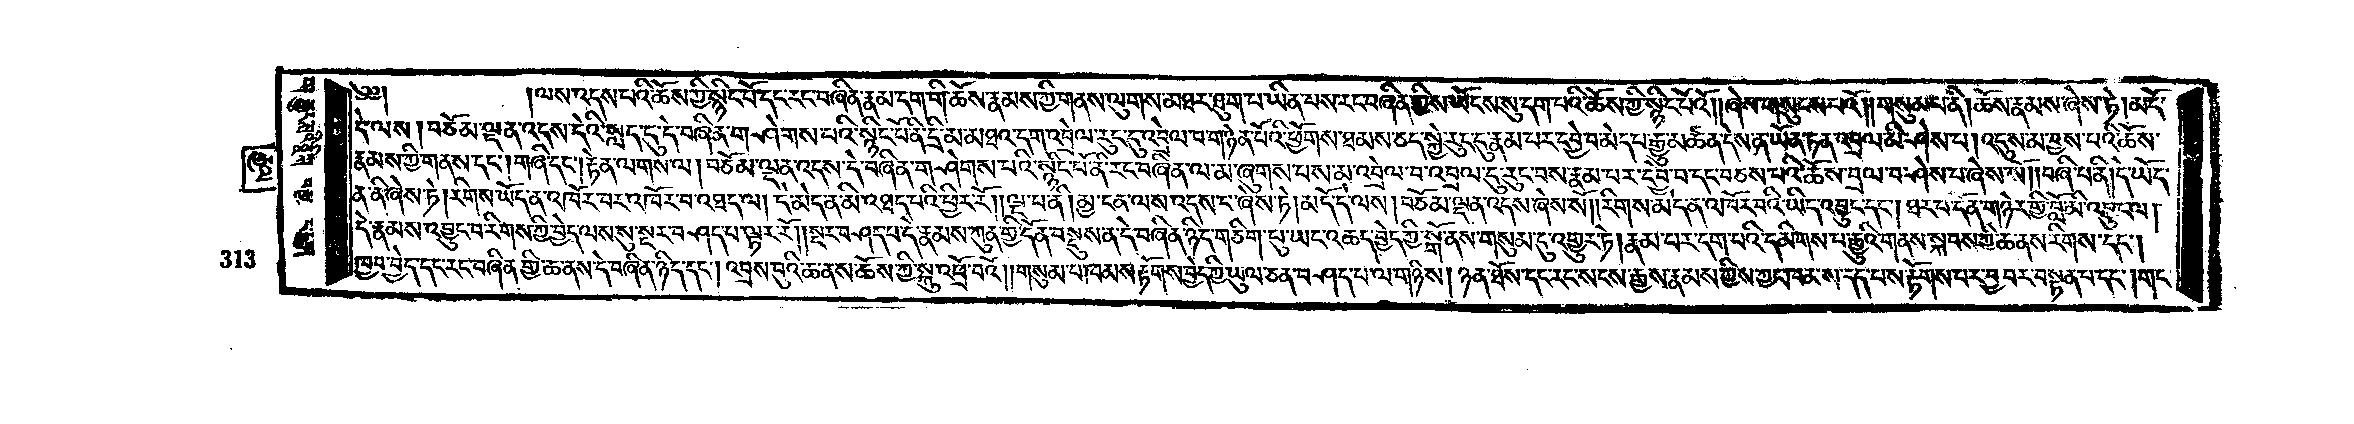༄༅། །ལས་འདས་པའི་ཆོས་ཀྱི་སྙིང་པོ་དང་རང་བཞིན་རྣམ་དག་གི་ཆོས་རྣམས་ཀྱི་གནས་ལུགས་མཐར་ཐུག་པ་ཡིན་པས་རང་བཞིན་གྱིས་ཡོངས་སུ་དག་པའི་ཆོས་ཀྱི་སྙིང་པོའོ། །ཞེས་གསུངས་པའོ། །གསུམ་པ་ནི། ཆོས་རྣམས་ཞེས་ཏེ། མདོ་
དེ་ལས། བཅོམ་ལྡན་འདས་དེའི་སླད་དུ་དེ་བཞིན་གཤེགས་པའི་སྙིང་པོ་ནི་དྲི་མ་མཐའ་དག་འབྲེལ་རུང་དུ་འབྲེལ་པ་གཉེན་པོའི་ཕྱོགས་ཐམས་ཅད་སྐྱེ་རུང་དུ་རྣམ་པར་དབྱེ་བ་མེད་པ་རྒྱུ་མཚན་དེས་ན་ཡོན་ཏན་འབྲལ་མི་ཤེས་པ། འདུས་མ་བྱས་པའི་ཆོས་
རྣམས་ཀྱི་གནས་དང་། གཞི་དང་། རྟེན་ལགས་ལ། བཅོམ་ལྡན་འདས་དེ་བཞིན་གཤེགས་པའི་སྙིང་པོ་ནི་རང་བཞིན་ལ་མ་ཞུགས་པས་མ་འབྲེལ་པ་འབྲལ་དུ་རུང་བས་རྣམ་པར་དབྱེ་བ་དང་བཅས་པའི་ཆོས་བྲལ་བ་ཤེས་པ་ཞེས་སོ། །བཞི་པ་ནི། དེ་ཡོད་
ན་ནི་ཞེས་ཏེ། རིགས་ཡོད་ན་འཁོར་བར་འཁོར་བ་འཐད་ལ། དེ་མེད་ན་མི་འཐད་པའི་ཕྱིར་རོ། །ལྔ་པ་ནི། མྱ་ངན་ལས་འདས་པ་ཞེས་ཏེ། མདོ་དེ་ལས། བཅོམ་ལྡན་འདས་ཞེས་སོ། །རིགས་མེད་ན་འཁོར་བའི་ཡིད་འབྱུང་དང་། ཐར་པ་དོན་གཉེར་གྱི་བློ་མི་འབྱུང་ལ།
དེ་རྣམས་འབྱུང་བ་རིགས་ཀྱི་བྱེད་ལས་སུ་སྔར་བཤད་པ་ལྟར་རོ། །སྔར་བཤད་པ་དེ་རྣམས་ཀུན་གྱི་དོན་བསྡུས་ན་དེ་བཞིན་ཉིད་གཅིག་པུ་ཡང་འཆད་བྱེད་ཀྱི་སྒོ་ནས་གསུམ་དུ་འགྱུར་ཏེ། རྣམ་པར་དག་པའི་དམིགས་པ་རྒྱུའི་གནས་སྐབས་ཀྱི་ཆ་ནས་རིགས་དང་།
ཁྱབ་བྱེད་དང་རང་བཞིན་གྱི་ཆ་ནས་དེ་བཞིན་ཉིད་དང་། འབྲས་བུའི་ཆ་ནས་ཆོས་ཀྱི་སྐུ་འཕྲོ་བའོ། །གསུམ་པ་ཁམས་རྟོགས་བྱེད་ཀྱི་ཡུལ་ཅན་བཤད་པ་ལ་གཉིས། ཉན་ཐོས་དང་རང་སངས་རྒྱས་རྣམས་ཀྱིས་ཀྱང་ཁམས་དད་པས་རྟོགས་པར་བྱ་བར་བསྟན་པ་དང་། གང་